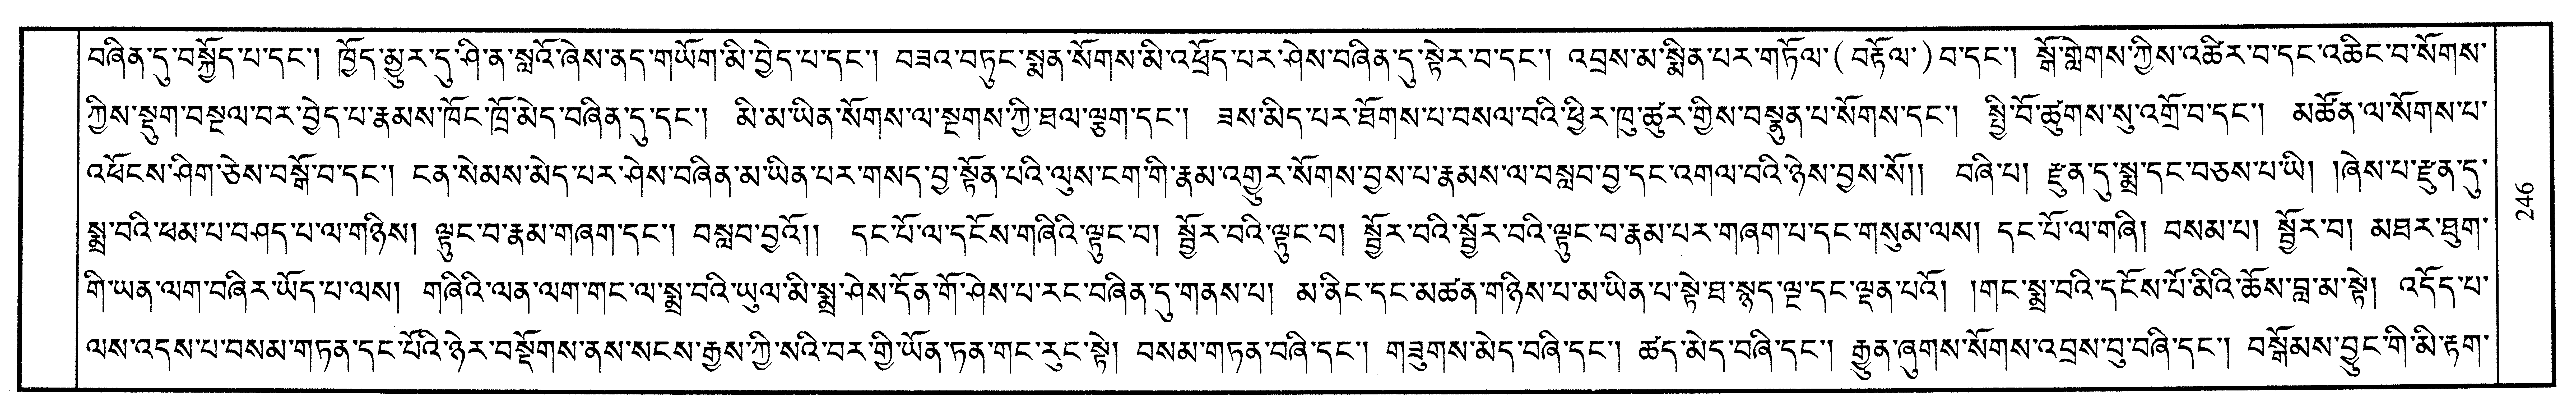བཞིན་དུ་བསྐྱོད་པ་དང་། ཁྱོད་མྱུར་དུ་ཤི་ན་སླའོ་ཞེས་ནད་གཡོག་མི་བྱེད་པ་དང་། བཟའ་བཏུང་སྨན་སོགས་མི་འཕྲོད་པར་ཤེས་བཞིན་དུ་སྟེར་བ་དང་། འབྲས་མ་སྨིན་པར་གཏོལ་བརྟོལ་བ་དང་། སྒོ་གླེགས་ཀྱིས་འཚིར་བ་དང་འཆིང་བ་སོགས་
ཀྱིས་སྡུག་བསྔལ་བར་བྱེད་པ་རྣམས་ཁོང་ཁྲོ་མེད་བཞིན་དུ་དང་། མི་མ་ཡིན་སོགས་ལ་སྔགས་ཀྱི་ཐལ་ལྕག་དང་། ཟས་མིད་པར་ཐོགས་པ་བསལ་བའི་ཕྱིར་ཁུ་ཚུར་གྱིས་བསྣུན་པ་སོགས་དང་། སྤྱི་བོ་ཚུགས་སུ་འགྲོ་བ་དང་། མཚོན་ལ་སོགས་པ་
འཕོངས་ཤིག་ཅེས་བསྒོ་བ་དང་། ངན་སེམས་མེད་པར་ཤེས་བཞིན་མ་ཡིན་པར་གསད་བྱ་སྟོན་པའི་ལུས་ངག་གི་རྣམ་འགྱུར་སོགས་བྱས་པ་རྣམས་ལ་བསླབ་བྱ་དང་འགལ་བའི་ཉེས་བྱས་སོ།། བཞི་པ། རྫུན་དུ་སྨྲ་དང་བཅས་པ་ཡི། །ཞེས་པ་རྫུན་དུ་
སྨྲ་བའི་ཕམ་པ་བཤད་པ་ལ་གཉིས། ལྟུང་བ་རྣམ་གཞག་དང་། བསླབ་བྱའོ།། དང་པོ་ལ་དངོས་གཞིའི་ལྟུང་བ། སྦྱོར་བའི་ལྟུང་བ། སྦྱོར་བའི་སྦྱོར་བའི་ལྟུང་བ་རྣམ་པར་གཞག་པ་དང་གསུམ་ལས། དང་པོ་ལ་གཞི། བསམ་པ། སྦྱོར་བ། མཐར་ཐུག་
གི་ཡན་ལག་བཞིར་ཡོད་པ་ལས། གཞིའི་ལན་ལག་གང་ལ་སྨྲ་བའི་ཡུལ་མི་སྨྲ་ཤེས་དོན་གོ་ཤེས་པ་རང་བཞིན་དུ་གནས་པ། མ་ནིང་དང་མཚན་གཉིས་པ་མ་ཡིན་པ་སྟེ་ཐ་སྙད་ལྔ་དང་ལྡན་པའོ། །གང་སྨྲ་བའི་དངོས་པོ་མིའི་ཆོས་བླ་མ་སྟེ། འདོད་པ་
ལས་འདས་པ་བསམ་གཏན་དང་པོའི་ཉེར་བསྡོགས་ནས་སངས་རྒྱས་ཀྱི་སའི་བར་གྱི་ཡོན་ཏན་གང་རུང་སྟེ། བསམ་གཏན་བཞི་དང་། གཟུགས་མེད་བཞི་དང་། ཚད་མེད་བཞི་དང་། རྒྱུན་ཞུགས་སོགས་འབྲས་བུ་བཞི་དང་། བསྒོམས་བྱུང་གི་མི་རྟག་